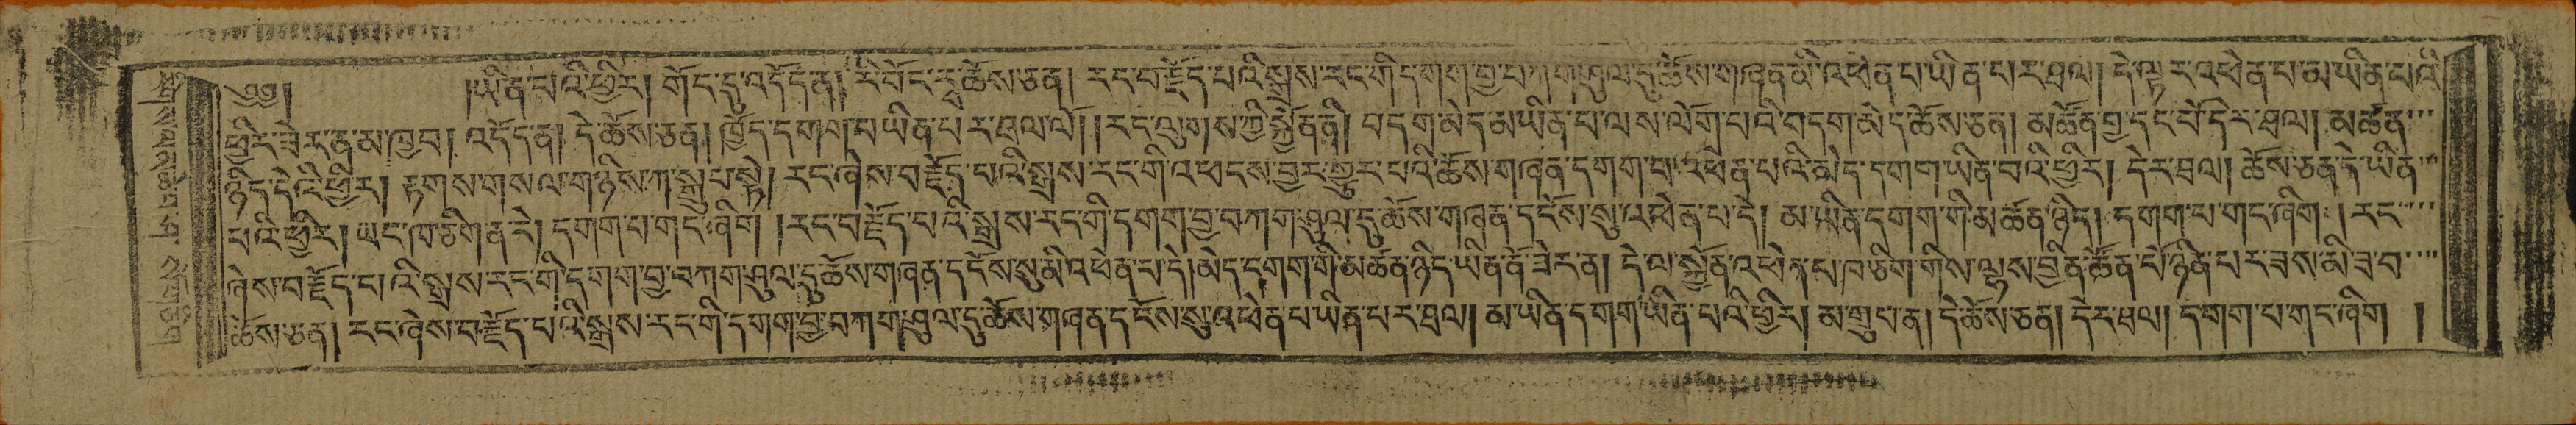༄༅། །ཡིན་པའི་ཕྱིར། གོང་དུ་འདོད་ན། རི་བོང་རྭ་ཆོས་ཅན། རང་བརྗོད་པའི་སྒྲས་རང་གི་དགག་བྱ་བཀག་ཤུལ་དུ་ཆོས་གཞན་མི་འཕེན་པ་ཡིན་པར་ཐལ། དེ་ལྟར་འཕེན་པ་མ་ཡིན་པའི་
ཕྱིར་ཟེར་ན་མ་ཁྱབ། འདོད་ན། དེ་ཆོས་ཅན། ཁྱོད་དགག་པ་ཡིན་པར་ཐལ་ལོ། །རང་ལུགས་ཀྱི་སྐྱོན་ནི། བདག་མེད་མ་ཡིན་པ་ལས་ལོག་པའི་བདག་མེད་ཆོས་ཅན། མཚོན་བྱ་དང་པོ་དེར་ཐལ། མཚན་
ཉིད་དེའི་ཕྱིར། རྟགས་གསལ་གཉིས་ཀ་སྒྲུབ་སྟེ། རང་ཞེས་བརྗོད་པའི་སྒྲས་རང་གི་འཕངས་བྱར་གྱུར་པའི་ཆོས་གཞན་དགག་པ་འཕེན་པའི་མེད་དགག་ཡིན་པའི་ཕྱིར། དེར་ཐལ། ཆོས་ཅན་དེ་ཡིན་
པའི་ཕྱིར། ཡང་ཁ་ཅིག་ན་རེ། དགག་པ་གང་ཞིག །རང་བརྗོད་པའི་སྒྲས་རང་གི་དགག་བྱ་བཀག་ཤུལ་དུ་ཆོས་གཞན་དངོས་སུ་འཕེན་པ་དེ། མ་ཡིན་དགག་གི་མཚན་ཉིད། དགག་པ་གང་ཞིག །རང་
ཞེས་བརྗོད་པའི་སྒྲས་རང་གི་དགག་བྱ་བཀག་ཤུལ་དུ་ཆོས་གཞན་དངོས་སུ་མི་འཕེན་པ་དེ། མེད་དགག་གི་མཚན་ཉིད་ཡིན་ནོ་ཟེར་ན། དེ་ལ་སྐྱོན་འཕེན་པ་ཁ་ཅིག་གིས་ལྷས་བྱིན་ཚོན་པོ་ཉིན་པར་ཟས་མི་ཟ་བ་
ཆོས་ཅན། རང་ཞེས་བརྗོད་པའི་སྒྲས་རང་གི་དགག་བྱ་བཀག་ཤུལ་དུ་ཆོས་གཞན་དངོས་སུ་འཕེན་པ་ཡིན་པར་ཐལ། མ་ཡིན་དགག་ཡིན་པའི་ཕྱིར། མ་གྲུབ་ན། དེ་ཆོས་ཅན། དེར་ཐལ། དགག་པ་གང་ཞིག །